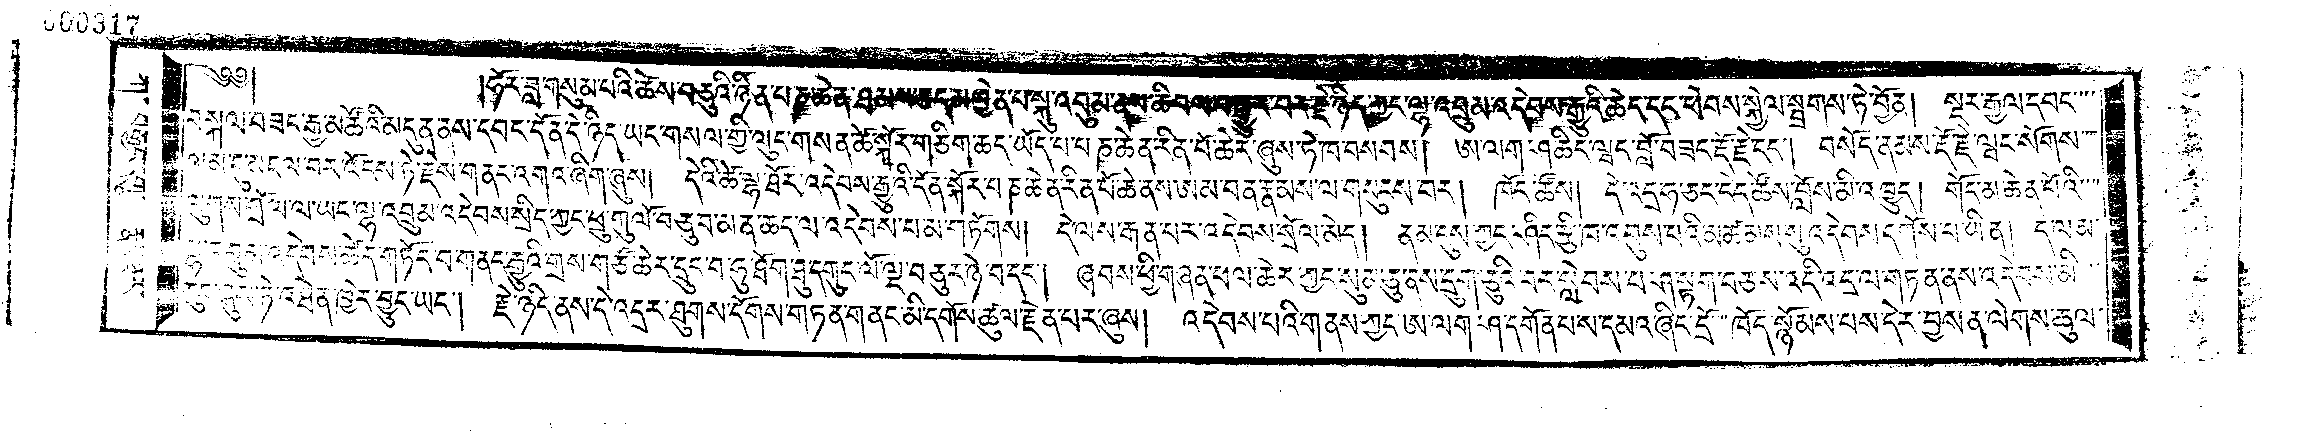༄༅། །ཧོར་ཟླ་གསུམ་པའི་ཚེས་བཅུའི་ཉིན་པཎ་ཆེན་ཐམས་ཅད་མཁྱེན་པ་སྐུ་འབུམ་ནས་ཆིབས་བསྒྱུར་བར་རྗེ་ཉིད་ཀྱང་ལྷ་འབྲུམ་འདེབས་རྒྱུའི་ཆེད་དང་ཕེབས་སྐྱེལ་སྦྲགས་ཏེ་བྱོན། སྔར་རྒྱལ་དབང་
བསྐལ་བཟང་རྒྱ་མཚོའི་མདུན་ནས་དབང་དོན་དེ་ཉིད་ཡང་གསལ་གྱི་ལུང་གསན་ཚེ་སྐོར་གཅིག་ཆད་ཡོད་པ་པཎ་ཆེན་རིན་པོ་ཆེར་ཞུས་ཏེ་ཁ་བསབས། ཨ་ལག་ཤ་ཆིང་ཝང་བློ་བཟང་རྡོ་རྗེ་དང་། བསོད་ནམས་རྡོ་རྗེ་ཝང་སོགས་
ལམ་དུ་མཇལ་བར་འོངས་ཏེ་རྗེས་གནང་འགའ་ཞིག་ཞུས། དེའི་ཚེ་ལྷ་ཐོར་འདེབས་རྒྱུའི་དོན་སྐོར་པཎ་ཆེན་རིན་པོ་ཆེ་ནས་ཨམ་བན་རྣམས་ལ་གསུངས་པར། ཁོང་ཚོས། དེ་འདྲ་ཧ་ཅང་ངེད་ཚོས་བློས་མི་འཁྱུད། གོང་མ་ཆེན་པོའི་
ལུགས་སྲོལ་ལ་ཡང་ལྷ་འབྲུམ་འདེབས་སྲིད་ཀྱང་ཕྲུ་གུ་ལོ་བཅུ་བ་མན་ཆད་ལ་འདེབས་པ་མ་གཏོགས། དེ་ལས་རྒན་པར་འདེབས་སྲོལ་མེད། ནམ་དུས་ཀྱང་ཤིང་རྩི་ཁ་འབུས་པའི་མཚམས་སུ་འདེབས་དགོས་པ་ཡིན། ད་ལམ་
ལྷ་འབྲུམ་འདེབས་ཆེད་གཏོང་བ་གནང་རྒྱུའི་གྲས་གཙོ་ཆེར་དྲུང་པ་ཧུ་ཐོག་ཐུ་དགུང་ལོ་ལྔ་བཅུར་ཉེ་བ་དང་། ཞབས་ཕྱི་གཞན་ཕལ་ཆེར་ཀྱང་སུམ་ཅུ་ནས་དྲུག་ཅུའི་བར་སླེབས་བ་ཤ་སྟག་བཅས་འདི་འདྲ་ལ་གཏན་ནས་འདེབས་མི་
རུང་ཞུས་ཏེ་འཐེན་ཁྱེར་བྱུང་ཡང་། རྗེ་ཉིད་ནས་དེ་འདྲར་ཐུགས་དོགས་གཏན་གནང་མི་དགོས་ཚུལ་རྗེན་པར་ཞུས། འདེབས་པའི་གནས་ཀྱང་ཨ་ལག་ཤ་དགོན་པས་དམའ་ཞིང་དྲོ་ཁོད་སྙོམས་པས་དེར་བྱས་ན་ལེགས་ཚུལ་